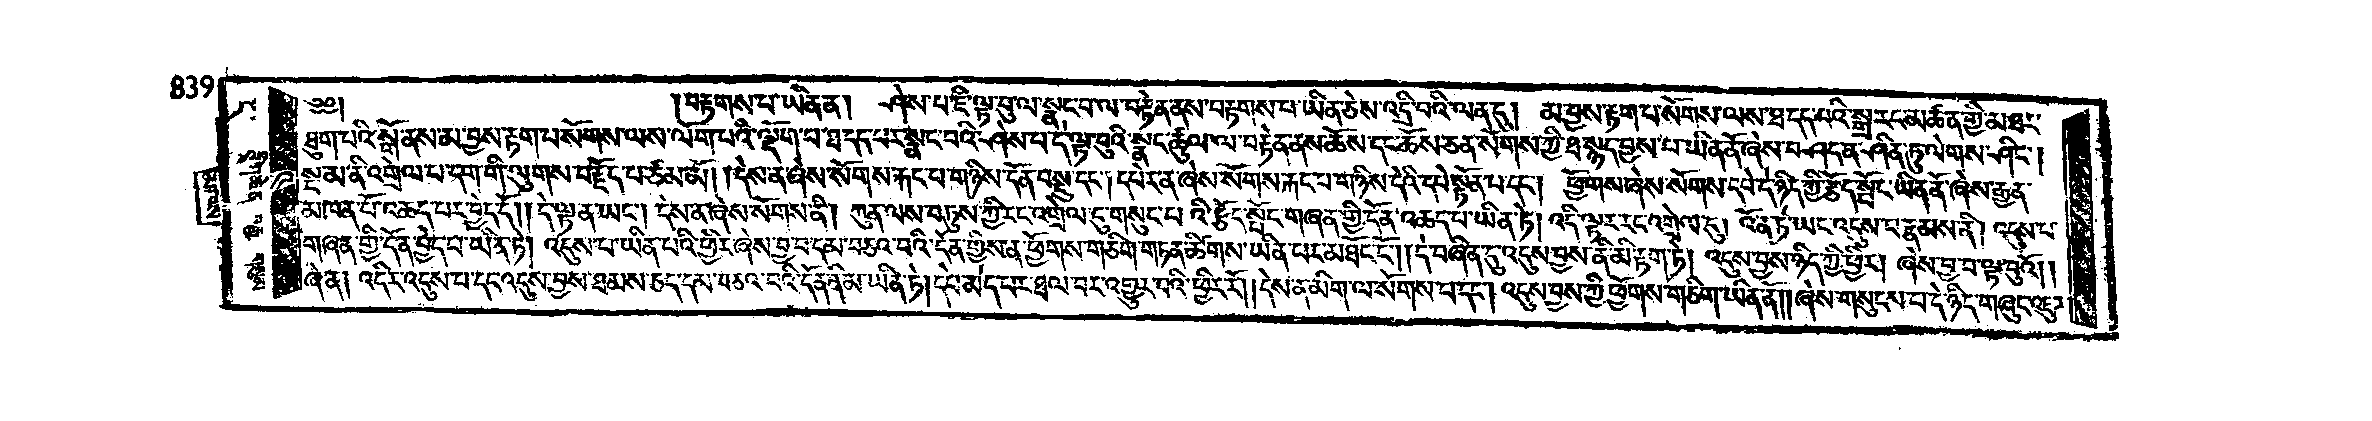༄༅། །བརྟགས་པ་ཡིན་ན། ཤེས་པ་ཇི་ལྟ་བུ་ལ་སྣང་བ་ལ་བརྟེན་ནས་བརྟགས་པ་ཡིན་ཅེས་འདྲི་བའི་ལན་དུ། མ་བྱས་རྟག་པ་སོགས་ལས་ཐ་དད་པའི་སྒྲ་རང་མཚན་གྱི་མཐར་
ཐུག་པའི་སྒོ་ནས་མ་བྱས་རྟག་པ་སོགས་ལས་ལོག་པའི་ལྡོག་པ་ཐ་དད་པར་སྣང་བའི་ཤེས་པ་དེ་ལྟ་བུའི་སྣང་ཚུལ་ལ་བརྟེན་ནས་ཆོས་དང་ཆོས་ཅན་སོགས་ཀྱི་ཐ་སྙད་བྱས་པ་ཡིན་ནོ་ཞེས་པ་བཤད་ན་ཤིན་ཏུ་ལེགས་ཤིང་།
སྔ་མ་ནི་འགྲེལ་བ་དག་གི་ལུགས་བརྗོད་པ་ཙམ་མོ། །དེས་ན་ཞེས་སོགས་རྐང་བ་གཉིས་དོན་བསྡུ་དང་། དཔེར་ན་ཞེས་སོགས་རྐང་བ་གཉིས་དེའི་དཔེ་སྟོན་པ་དང་། ཕྱོགས་ཞེས་སོགས་དཔེ་དེ་ཉིད་ཀྱི་རྩོད་སྤོང་ཡིན་ནོ་ཞེས་རྒྱན་
མཁན་པོ་འཆད་པར་བྱེད་དོ། །དེ་ལྟ་ན་ཡང་། དེས་ན་ཞེས་སོགས་ནི། ཀུན་ལས་བཏུས་ཀྱི་རང་འགྲེལ་དུ་གསུང་བའི་རྩོད་སྤོང་གཞན་གྱི་དོན་འཆད་པ་ཡིན་ཏེ། འདི་ལྟར་རང་འགྲེལ་དུ། འོ་ན་ཏེ་ཡང་འདུས་པ་རྣམས་ནི། འདུས་པ་
གཞན་གྱི་དོན་བྱེད་པ་ཡིན་ཏེ། འདུས་པ་ཡིན་པའི་ཕྱིར་ཞེས་བྱ་བ་དམ་བཅའ་བའི་དོན་གྱིས་ན་ཕྱོགས་གཅིག་གཏན་ཚིགས་ཡིན་པར་མཐོང་ངོ། །དེ་བཞིན་དུ་འདུས་བྱས་ནི་མི་རྟག་ཏེ། འདུས་བྱས་ཉིད་ཀྱི་ཕྱིར། ཞེས་བྱ་བ་ལྟ་བུའོ། །
ཞེ་ན། འདིར་འདུས་པ་དང་འདུས་བྱས་ཐམས་ཅད་དམ་བཅའ་བའི་དོན་ནི་མ་ཡིན་ཏེ། དཔེ་མེད་པར་ཐལ་བར་འགྱུར་བའི་ཕྱིར་རོ། །དེས་ན་མིག་ལ་སོགས་པ་དང་། འདུས་བྱས་ཀྱི་ཕྱོགས་གཅིག་ཡིན་ནོ། །ཞེས་གསུངས་པ་དེ་ཉིད་གཞུང་འཇུགས་